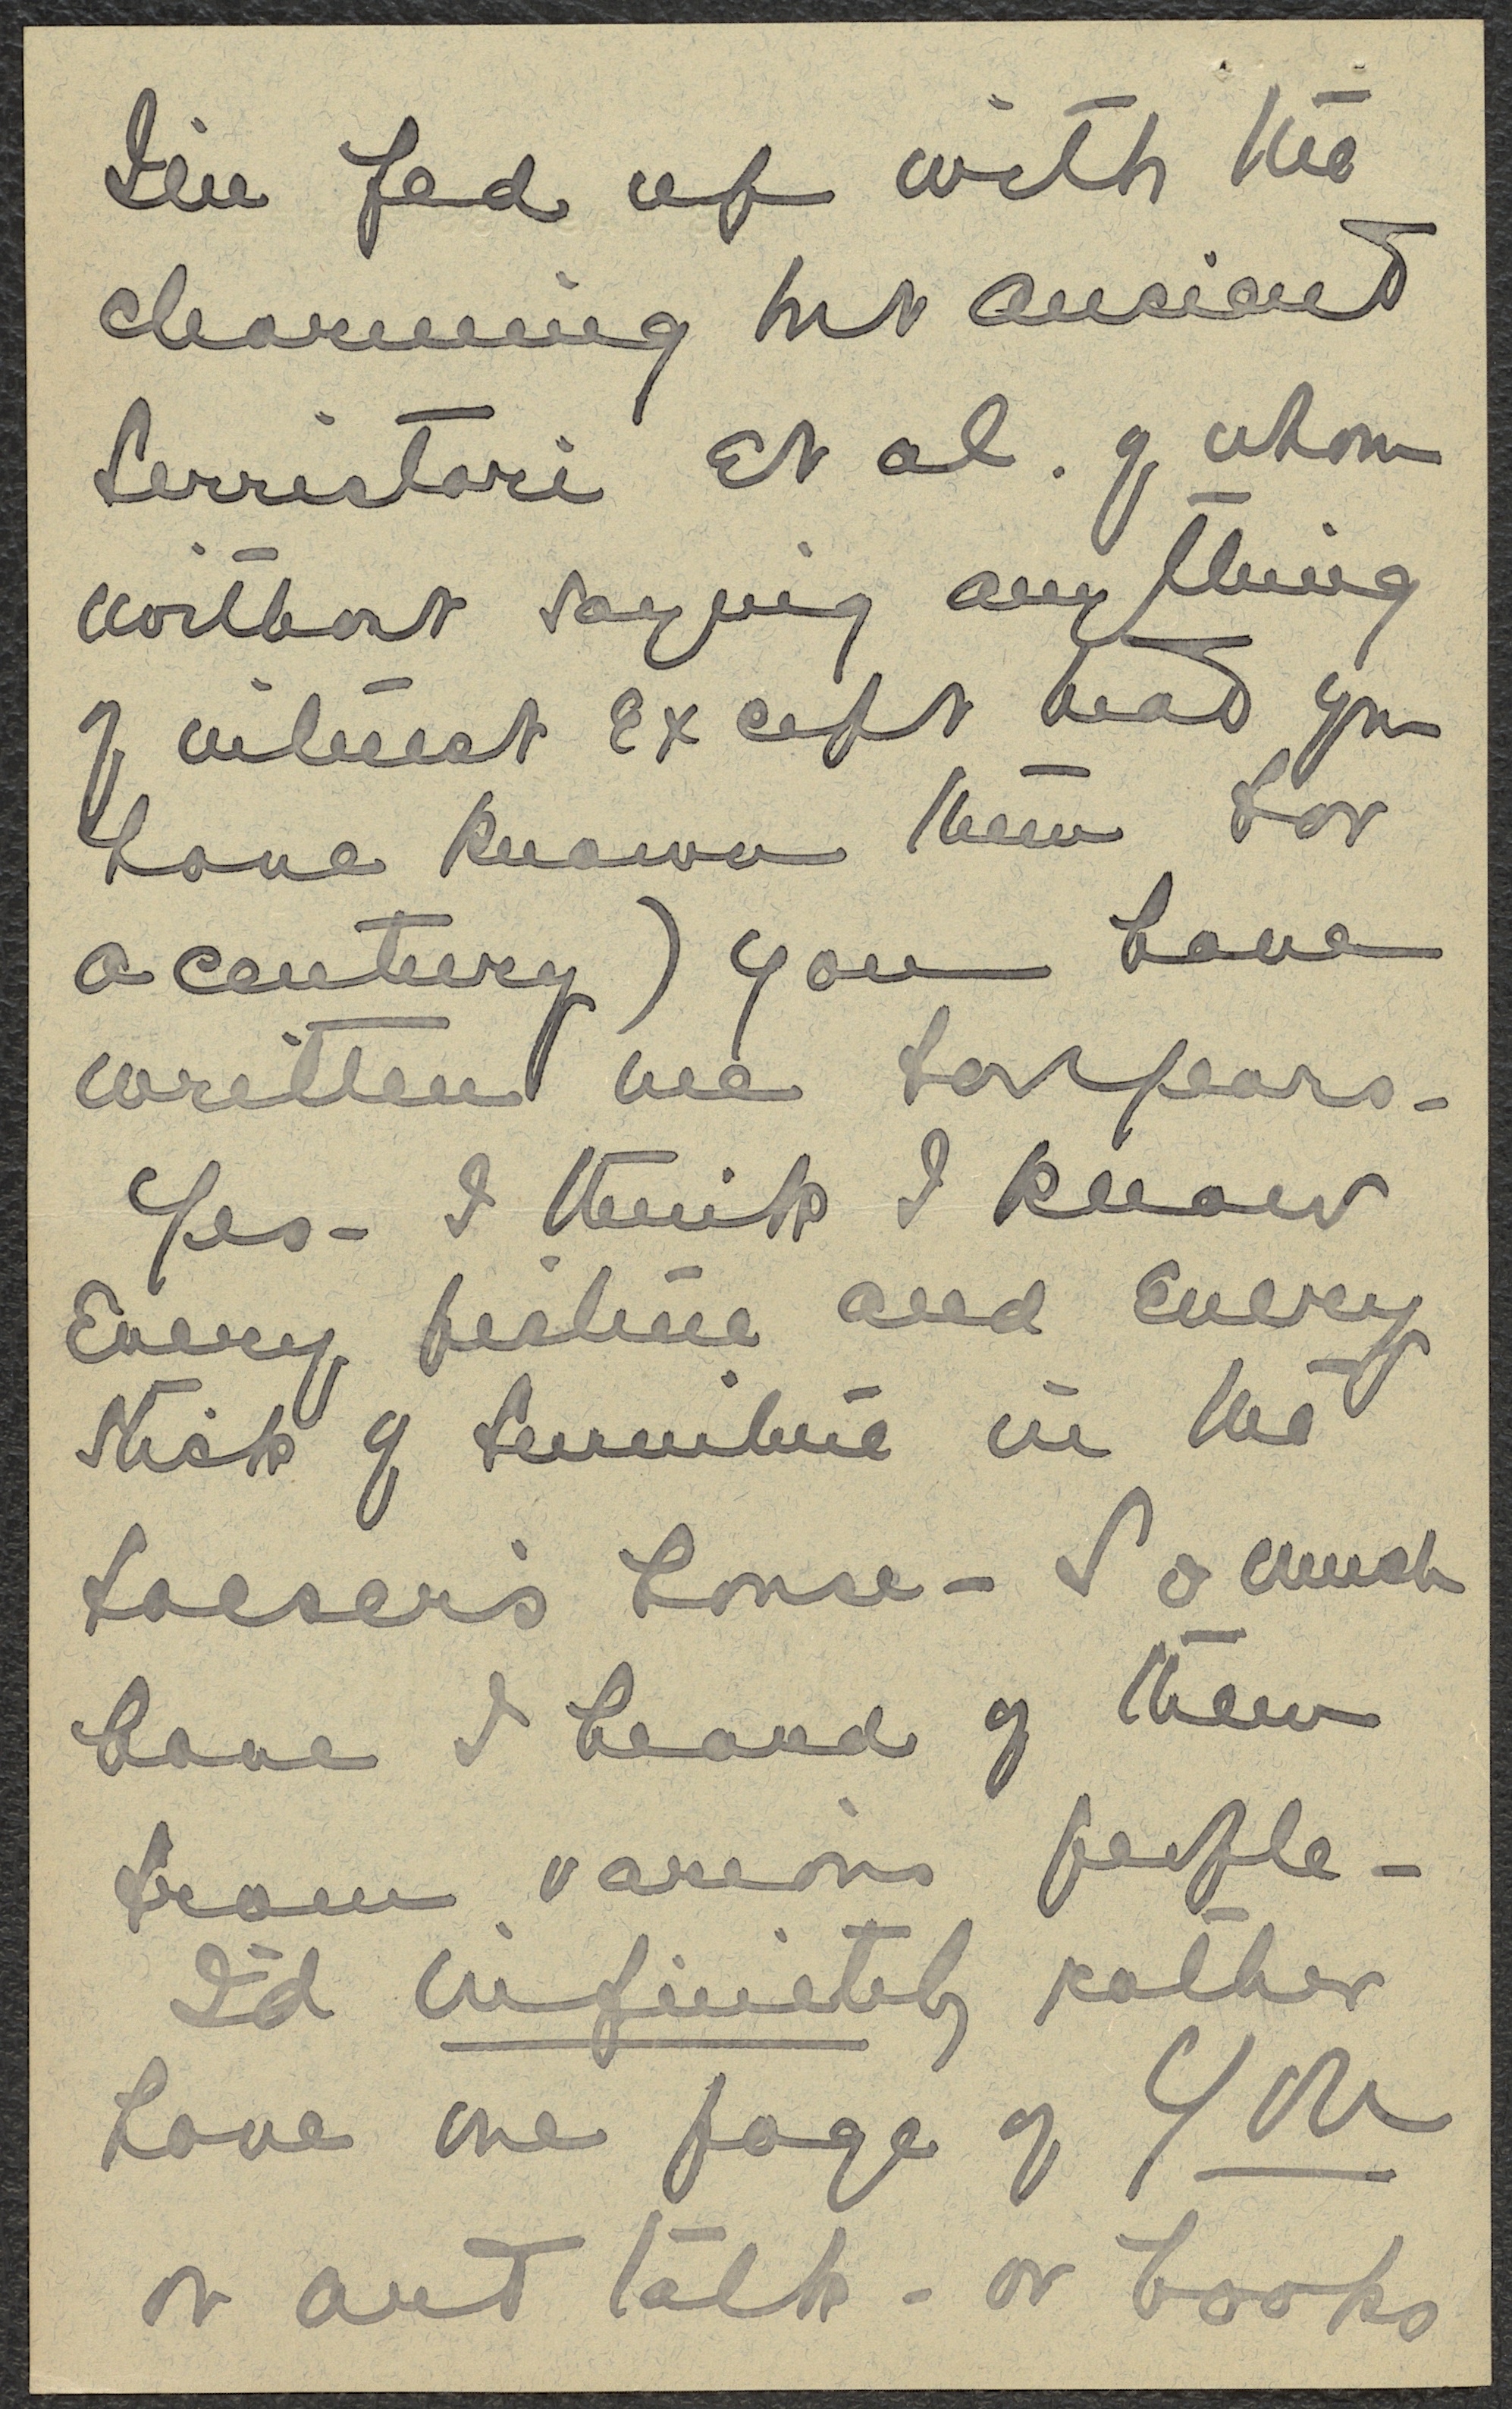I’m fed up with the charming but ancient Serristori et al. of whom without saying anything of interest except that you have known them for a century) you have written me for years – Yes – I think I know every picture and every stick of furniture in the Loeser’s house – so much have I heard of them from various people – I’d infinitely rather have one page of YOU or art talk – or books